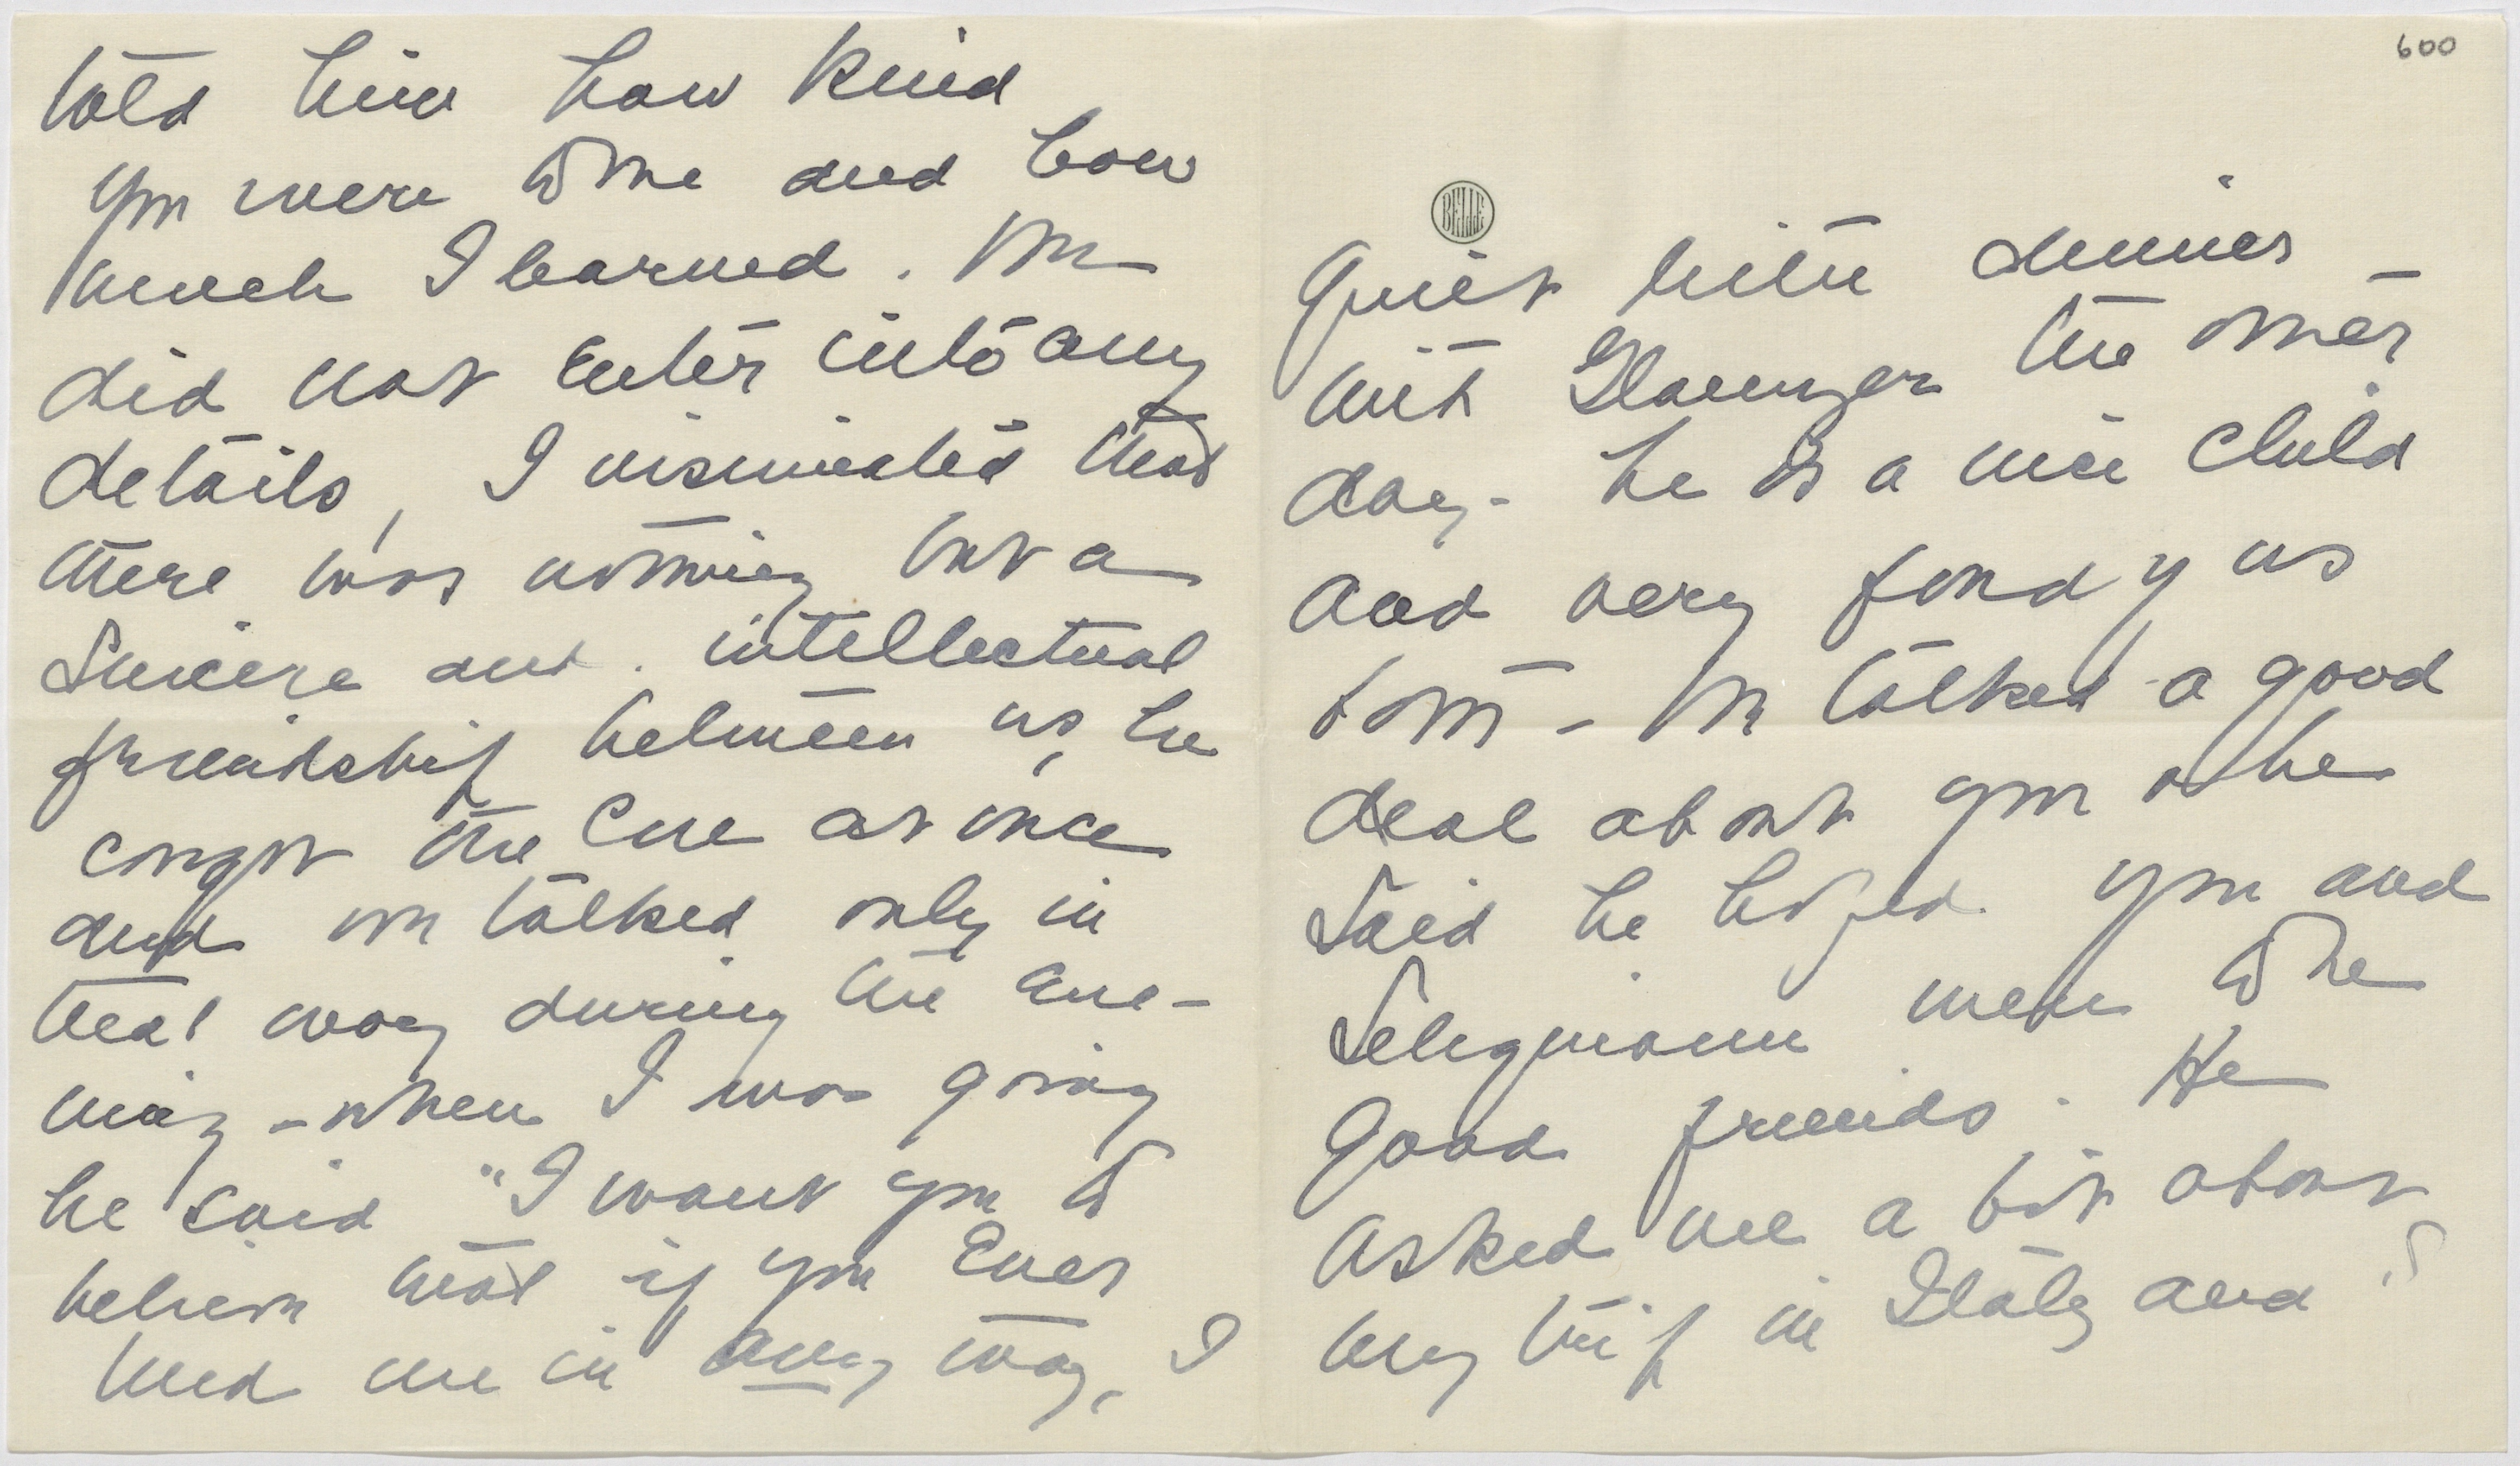quiet little dinner with Glaenzer the other day – he is a nice child and very fond of us both – We talked a good deal about you & he said he hoped you and Seligmann were to be good friends. He asked me a bit about my trip in italy and I
told him how kind you were to me and how much I learned. We did not enter into any details, I insinuated that there was nothing but a sincere and intellectual friendship between us, he caught the cue at one and we talked only in that way during the evening – when I was going he said “I want you to believe that if you ever need me in any way, I